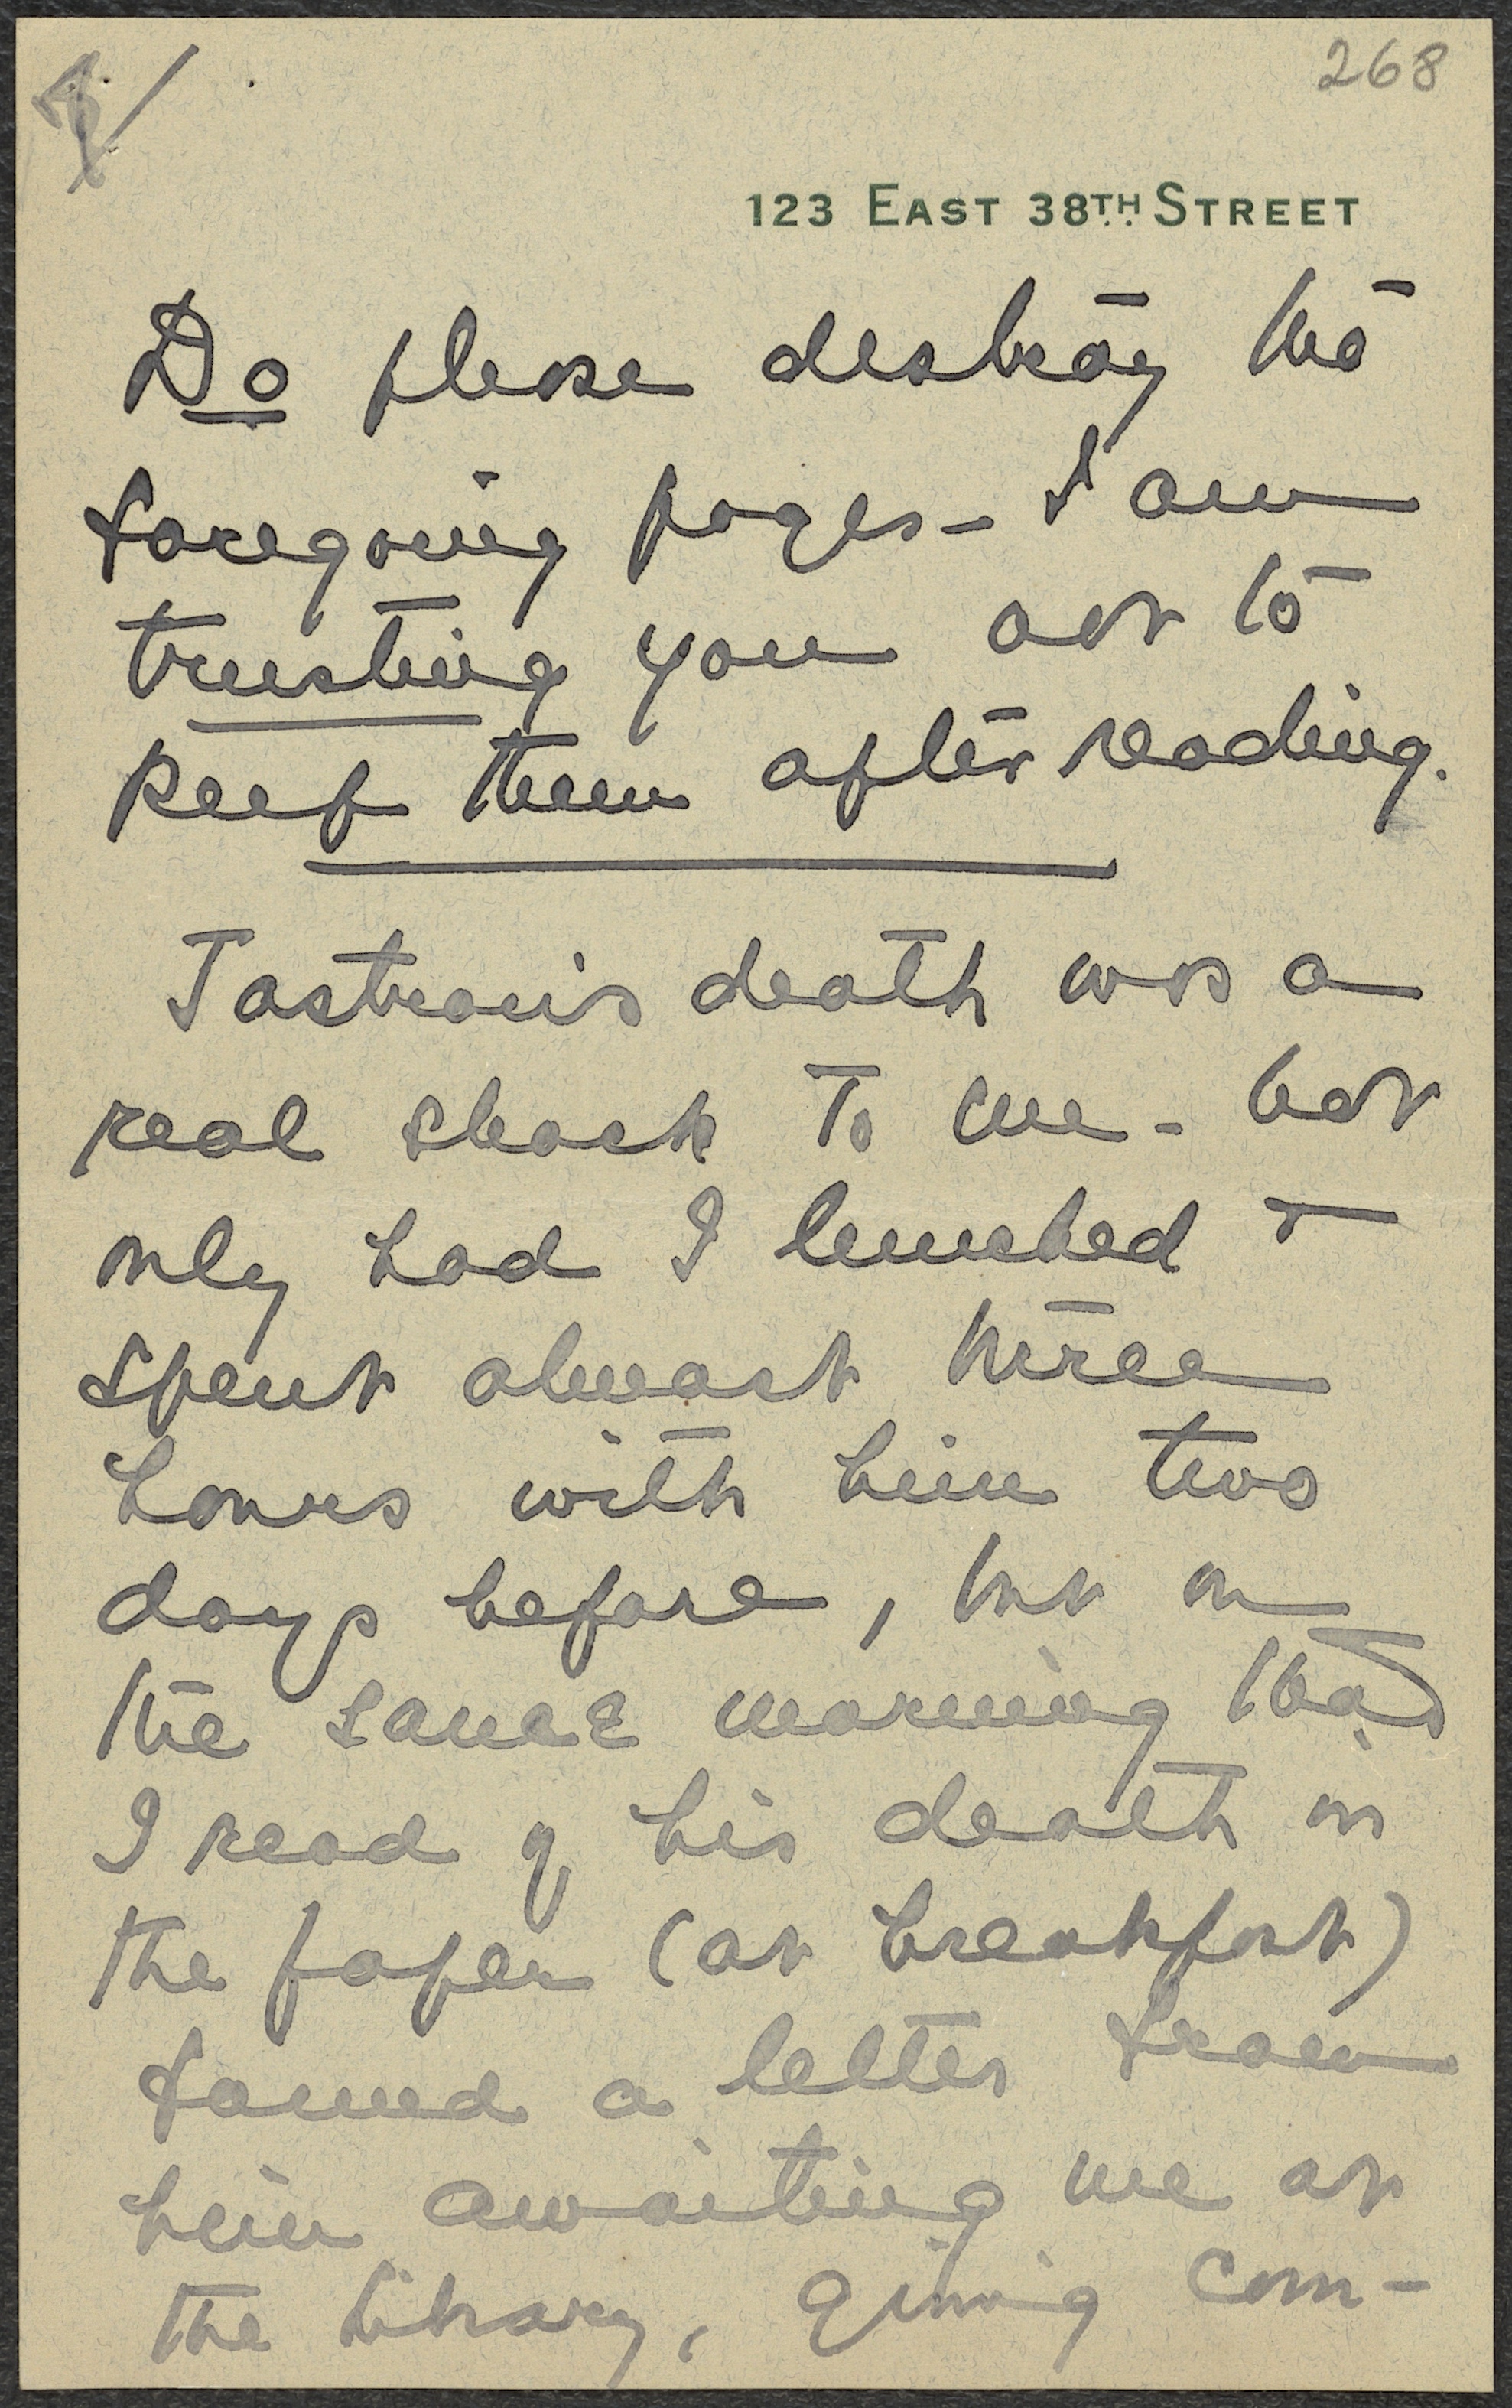7/
Do please destroy the foregoing pages – I am trusting you not to keep them after reading.
Jastrou’s death was a real shock to me – not only had I lunched & spent almost three hours with him two days before, but on the same morning that I read of his death in the paper (at breakfast) found a letter from him awaiting me at the Library, giving